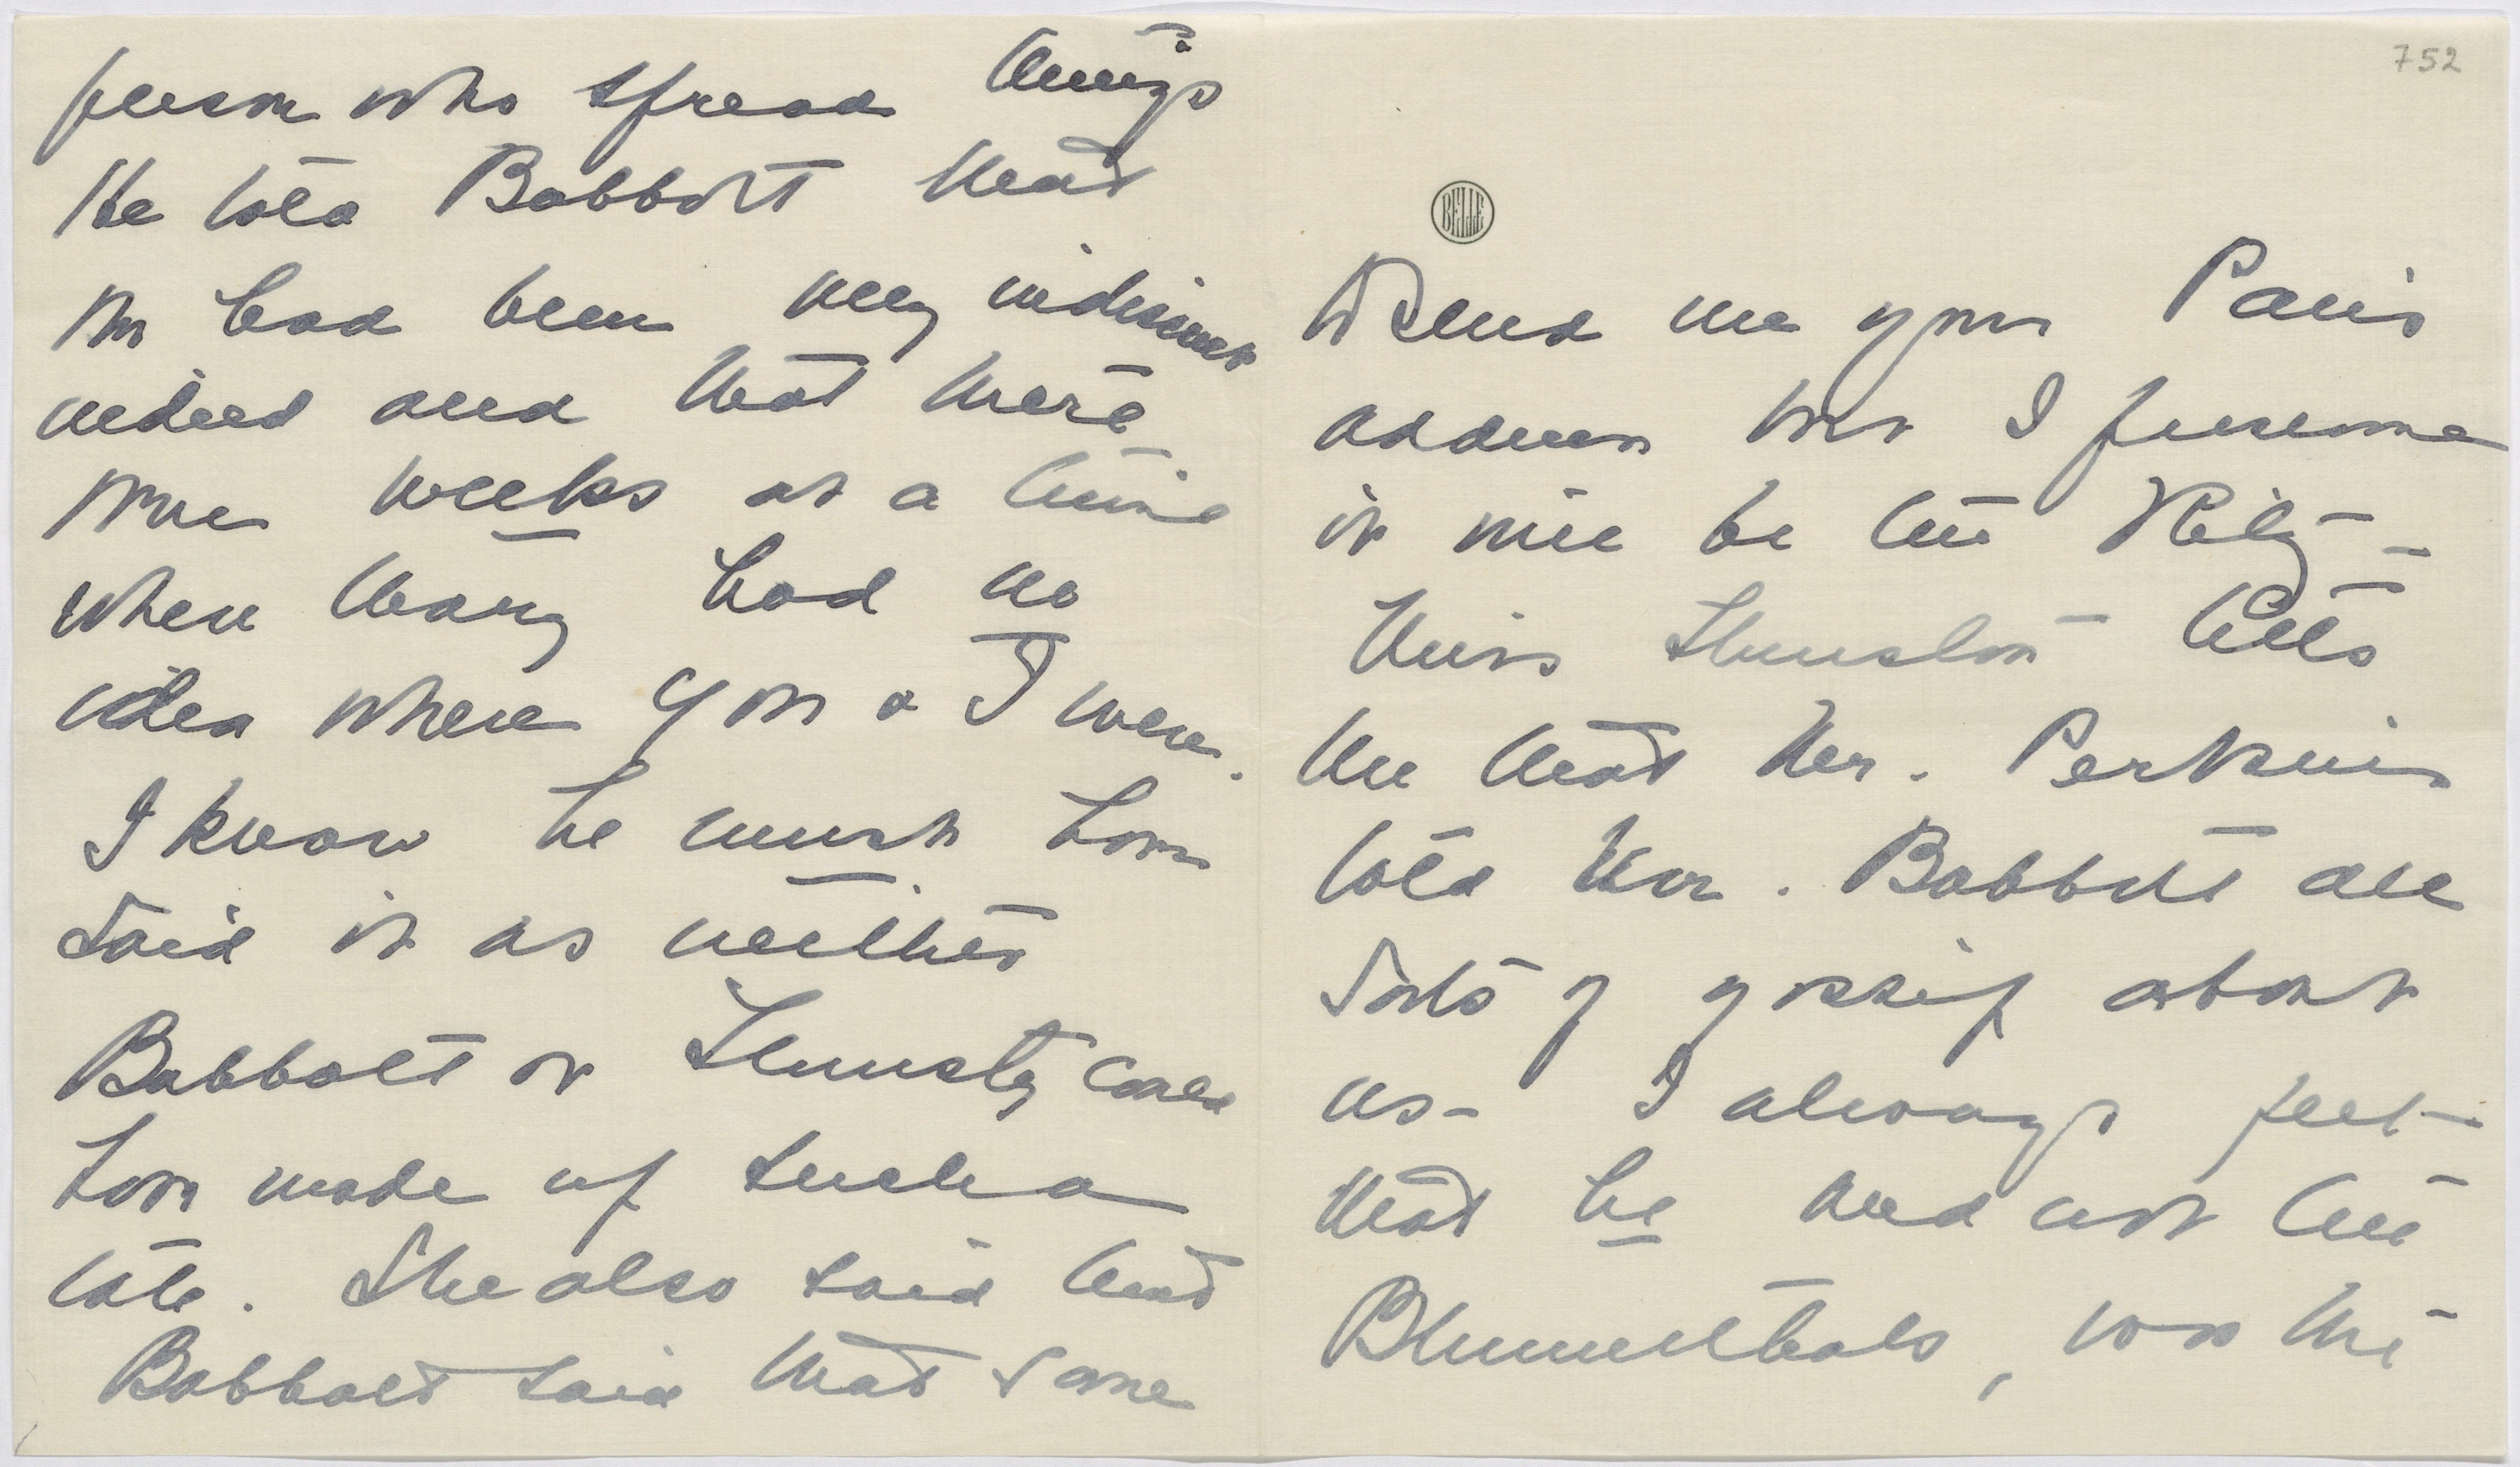to send me your Paris address but I presume it will be the Ritz – Miss Thurston tells me that Mr. Perkins told Mr. Babbott all sorts of gossip about us – I always feel that he not the Blumenthals, was the
person who spread things
He told Babbott that we had been very indiscreet indeed and that there were weeks at a time when Mary had no idea where you & I were. I know he must have said it as neither Babbott or Thursty could have made up such a tale. She also said that Babbott said that some